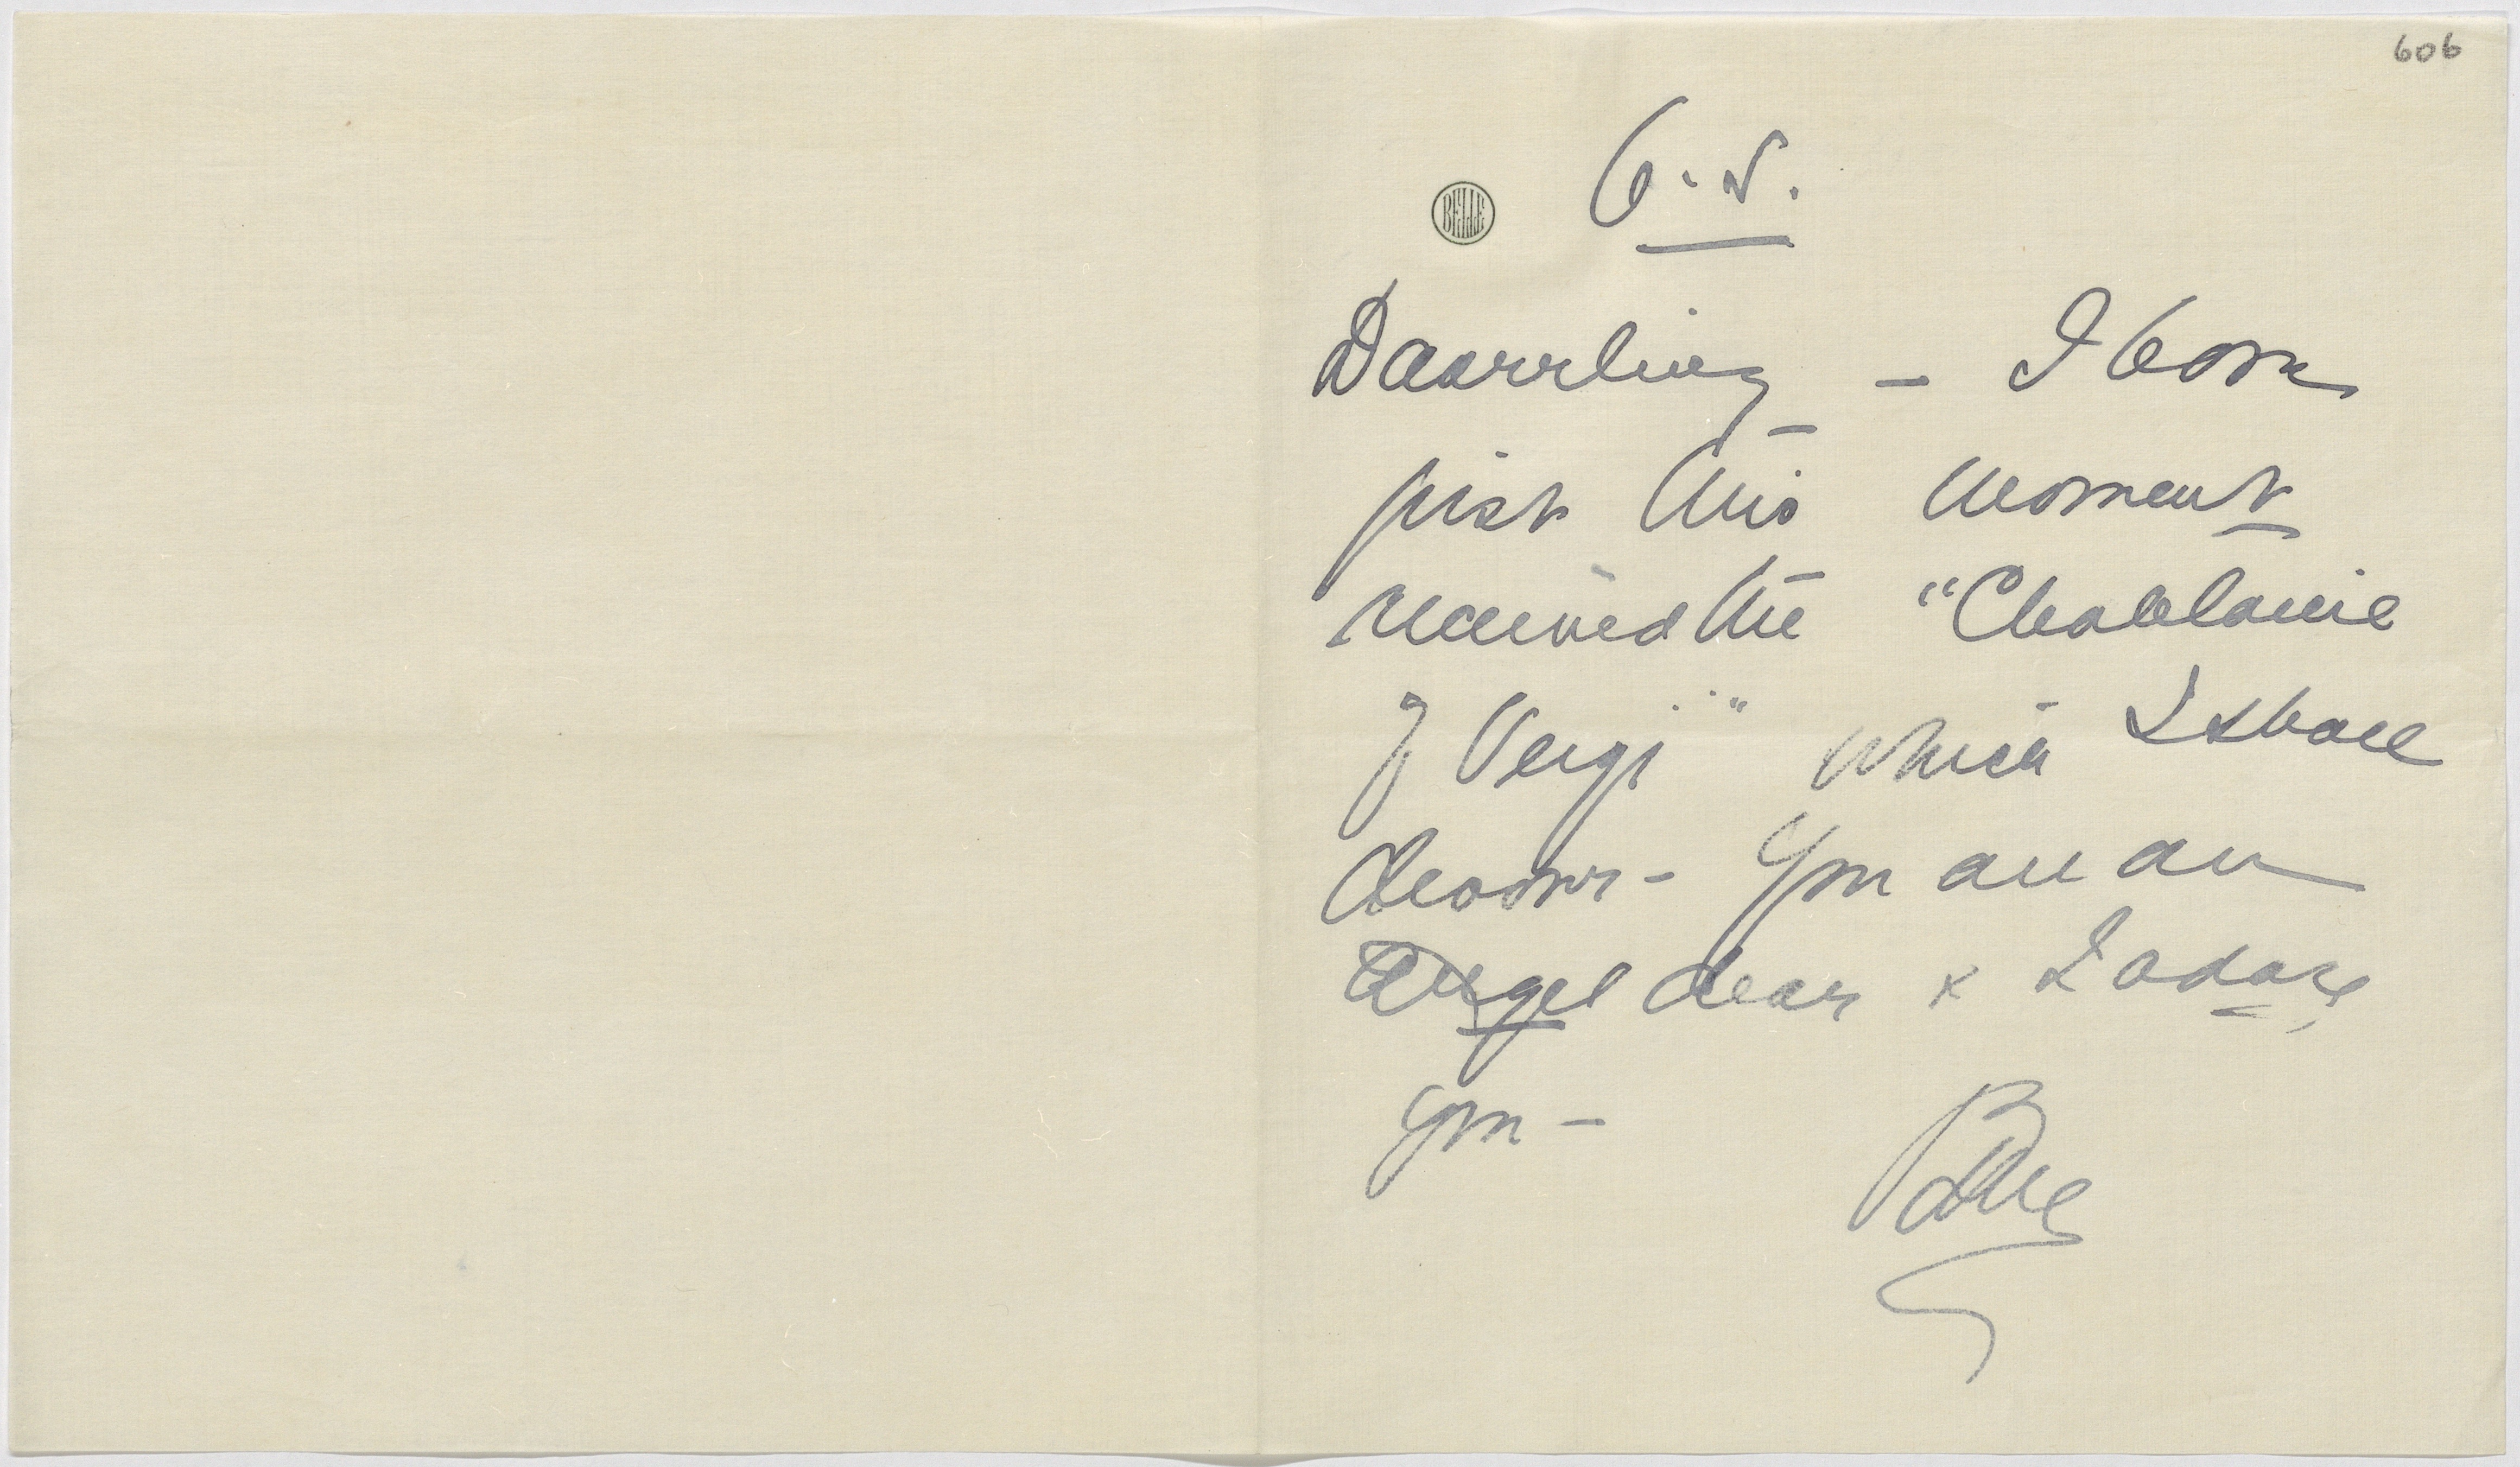P.S.
Daarrling – I have just this moment received the “Chatelaine of Vergi” which I shall devour – You are an angel dear & I [double underlined: adore] you – Belle